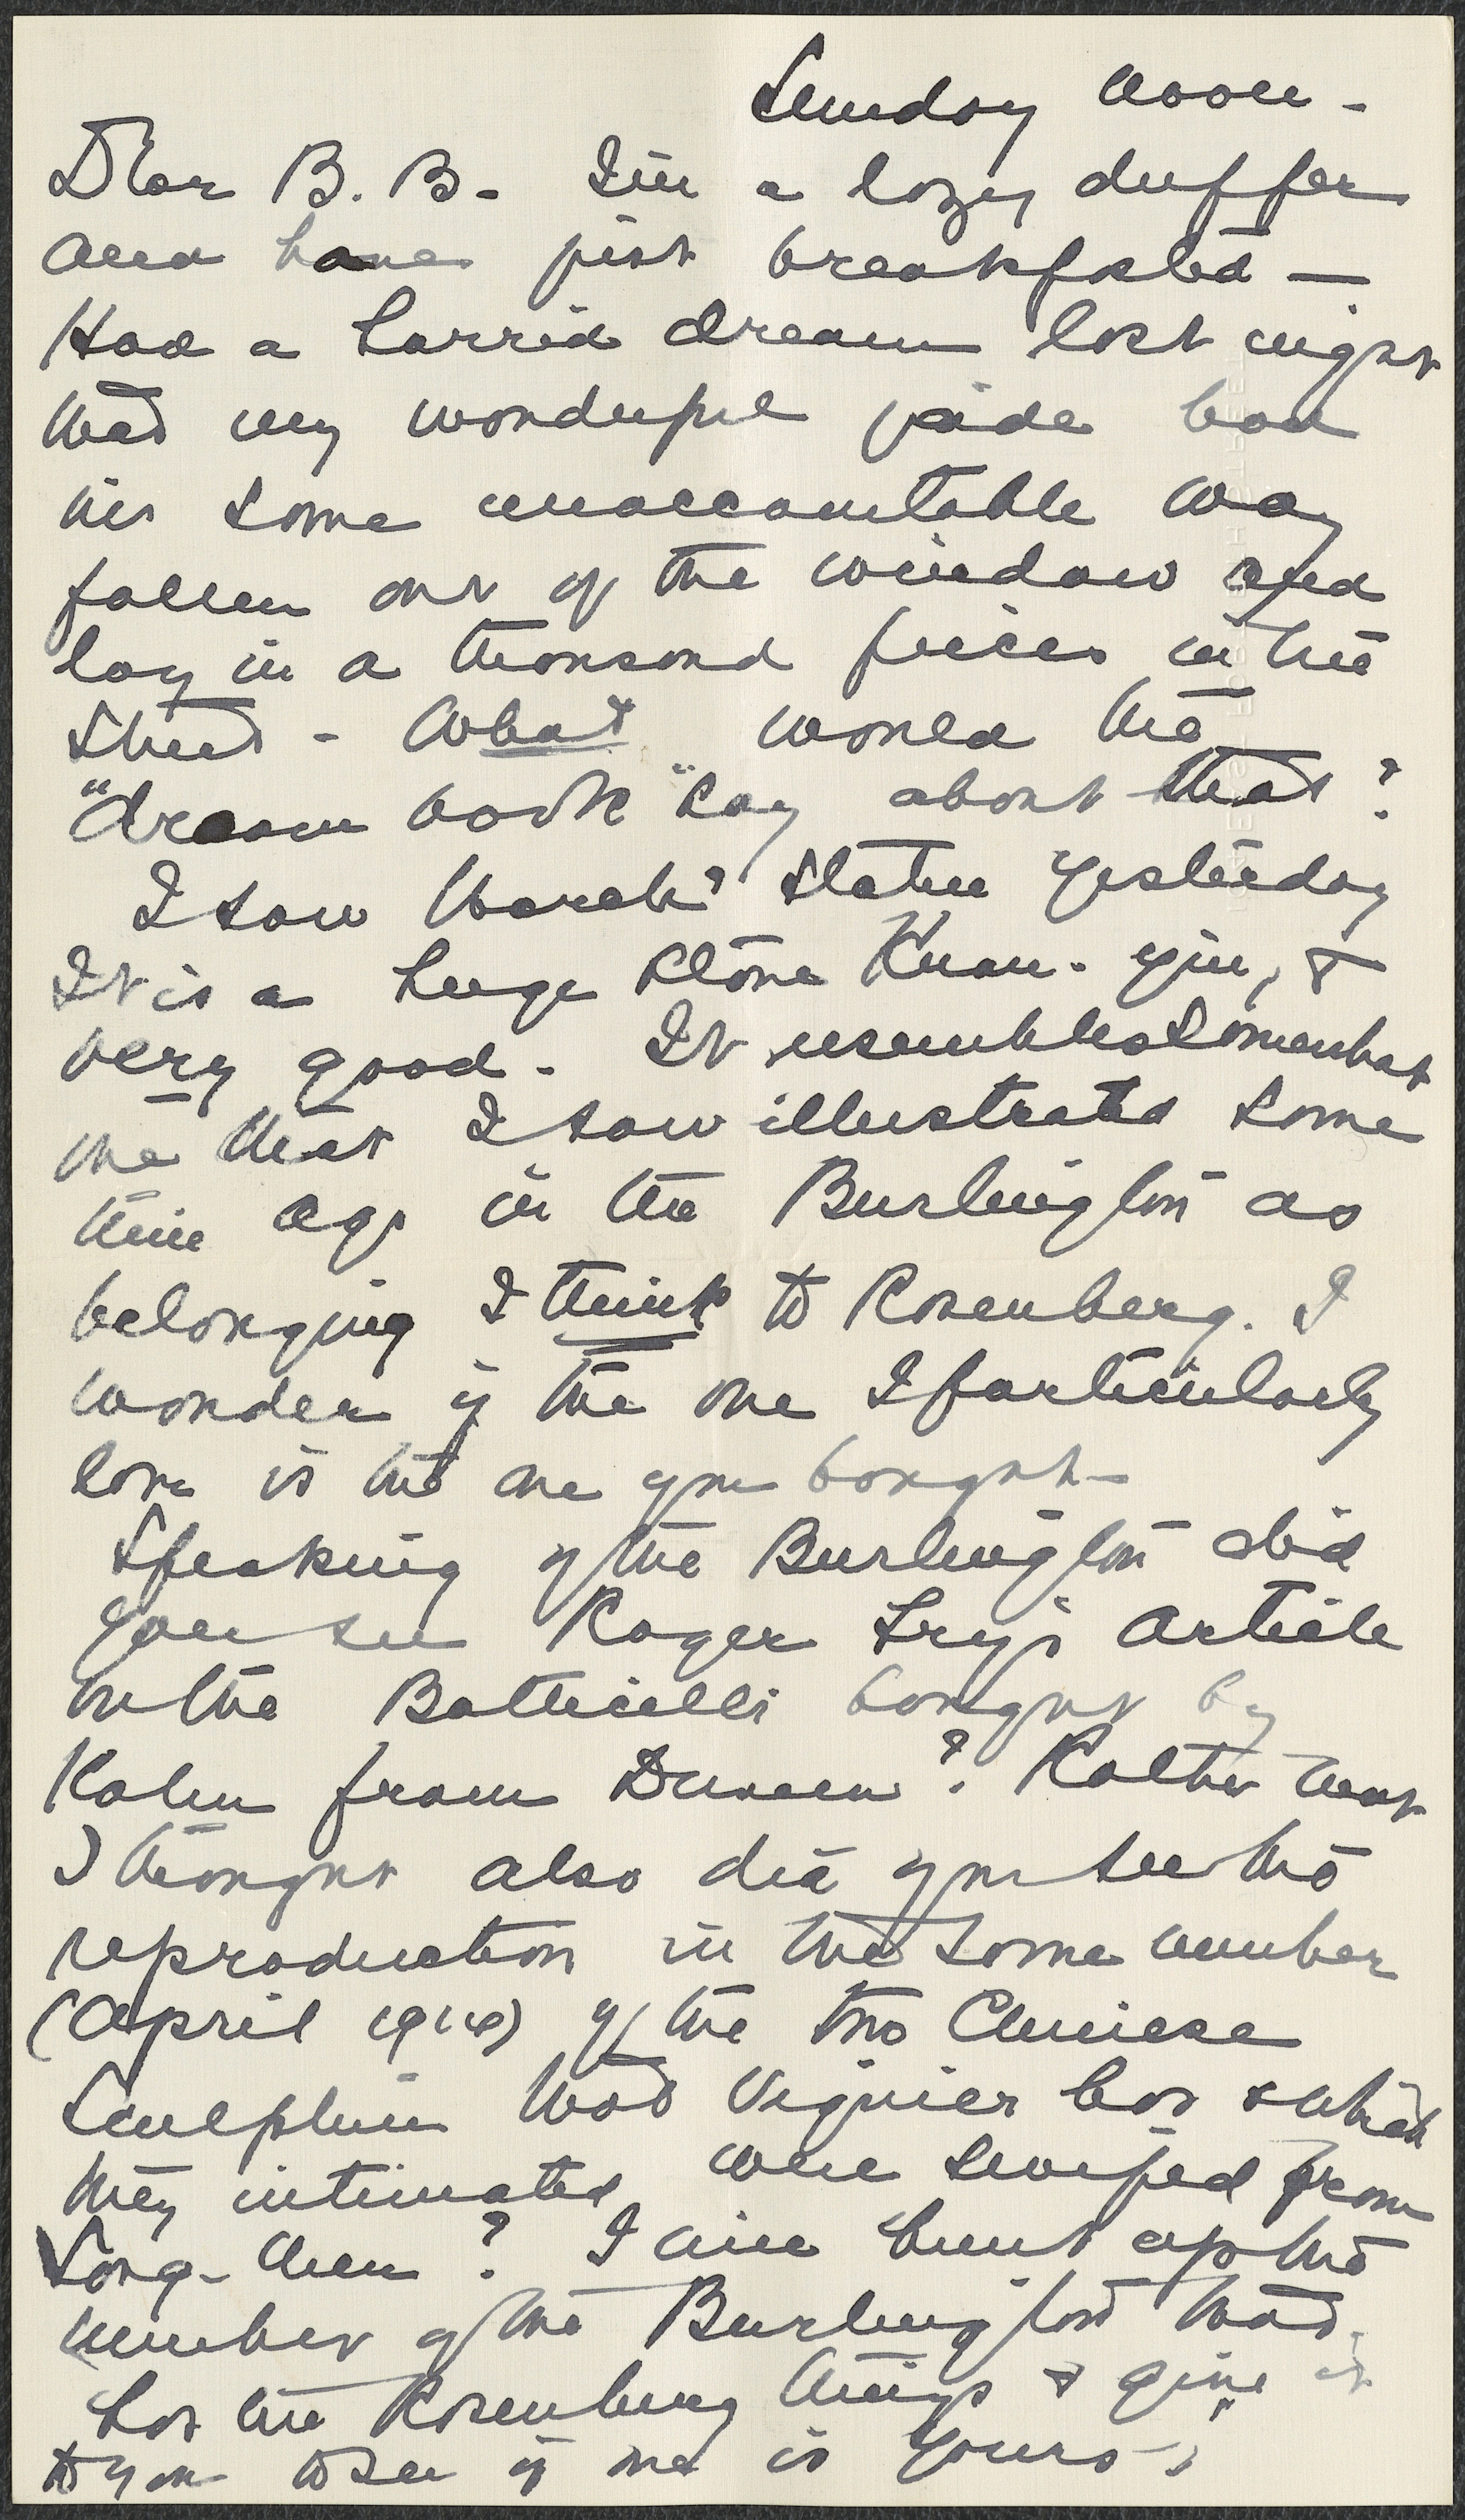Sunday noon –
Dear B.B – I’m a lazy duffer and have just breakfasted – Had a horrid dream last night that my wonderful jade had in some unaccountable way fallen out of the window and lay in a thousand pieces in the street – What would the “dream book” say about that?
I saw Worch’ statue yesterday It is a huge stone Kwan-yin, & very good – It resembles somewhat one that I saw illustrated some time ago in the Burlington as belonging I think to Rosenberg. I wonder if the one I particularly love is the one you bought –
Speaking of the Burlington did you see Roger Fry’s article on the Botticelli bought by Kahn from Duveen? Rather what I thought also did you see the reproduction in the same number (April 1914) of the two Chinese Sculptures that Vignier has & which they intimated were swiped from Song-Chen? I will hunt up the number of the Burlington that has the Rosenberg things & give it to you to see if one is yours –